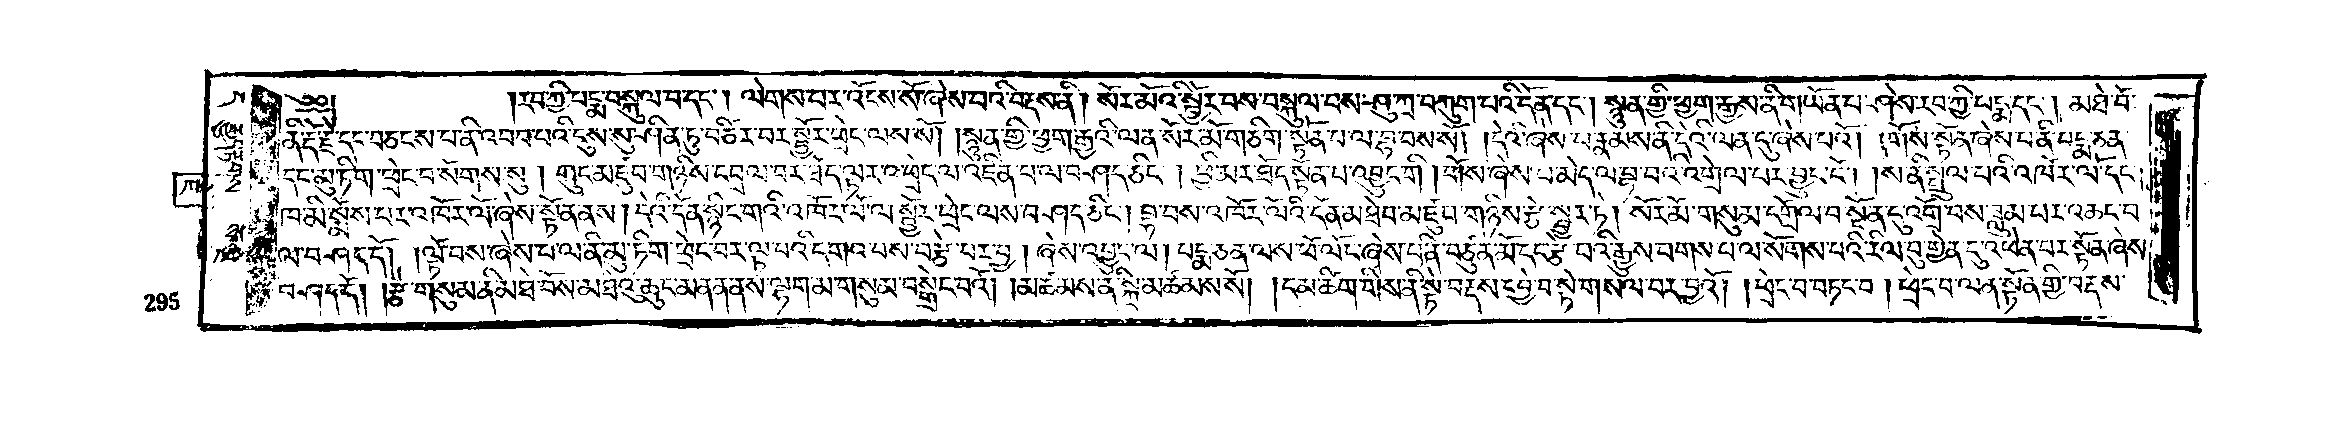༄༅། །རབ་ཀྱི་པདམ་བསྐུལ་བ་དང་། ལེགས་པར་འོངས་སོ་ཞེས་པའི་བརྡས་ནི། སོར་མོའི་སྦྱོར་བས་བསྐུལ་བས་ཤུ་ཀྲ་བཀུག་པའི་དོན་དང་། སྙུན་གྱི་ཕྱག་རྒྱས་ནི་གཡོན་པ་ཤེས་རབ་ཀྱི་པདམ་དང་། མཐེ་བོ་
ནི་རྡོ་རྗེ་དང་བཅངས་པ་ནི་འབབ་པའི་དུས་སུ་ཤིན་ཏུ་བཙིར་བར་སྦྱོར་ཕྲེང་ལས་སོ། །སྙུན་གྱི་ཕྱག་རྒྱའི་ལན་སོར་མོ་གཅིག་སྟོན་པ་ལ་བྷ་བས་སོ། །དེའི་ཞེས་པ་རྣམས་ནི་དེའི་ལན་དུ་ཞེས་པའོ། །གོས་སྟོན་ཞེས་པ་ནི་པདམ་ཅན་
དང་མུ་ཏིག་ཕྲེང་བ་སོགས་སུ། གུང་མཛུབ་གཉིས་དབྲལ་བར་ཐོད་ལྟར་འཕྲེང་ལ་འཛིན་པ་ལ་བཤད་ཅིང་། ཕྱི་མར་ཐོད་སྟོན་པ་འབྱུང་གི། གོས་ཞེས་པ་མེད་ལ་བྷ་བའི་འགྲེལ་པར་བྱུང་ངོ། །ས་ནི་སྤྲུལ་པའི་འཁོར་ལོ་དང་།
ཁ་མི་སྨོས་པར་འཁོར་ལོ་ཞེས་སྟོན་ནས། དེའི་དོན་སྙིང་གའི་འཁོར་ལོ་ལ་སྦྱོར་ཕྲེང་ལས་བཤད་ཅིང་། བྷ་བས་འཁོར་ལོའི་དོན་མཐེབ་མཛུབ་གཉིས་རྩེ་སྦྱར་ཏེ། སོར་མོ་གསུམ་དགྲོལ་བ་སྔོན་དུ་འགྲོ་བས་ཟླུམ་པར་འཆང་བ་
ལ་བཤད་དོ། །ལྟོ་བས་ཞེས་པ་ལ་ནི་མུ་ཏིག་ཕྲེང་བར་ལྟ་བའི་དགའ་བས་བརྩེ་པར་བྱ། ཞེས་འབྱུང་ལ། པདམ་ཅན་ལས་ཕོ་ལོང་ཞེས་པ་ནི་བཙུན་མོ་དང་རྩེ་བའི་རྒྱུས་པགས་པ་ལ་སོགས་པའི་རིལ་བུ་གྱེན་དུ་འཕེན་པར་སྟོན་ཞེས་
བཤད་དོ། །རྩེ་གསུམ་ནི་མཐེ་བོས་མཐེའུ་ཆུང་མནན་ནས་ལྷག་མ་གསུམ་བསྒྲེང་བའོ། །མཚམས་ནི་སྐྲ་མཚམས་སོ། །དམ་ཚིག་གིས་ནི་སྟེ་བརྡས་དབྱེ་བ་སྟེ་གསལ་བར་བྱའོ། །ཕྲེང་བ་བཏང་བ། ཕྲེང་བ་ལན་སྟོན་གྱི་བརྡས་